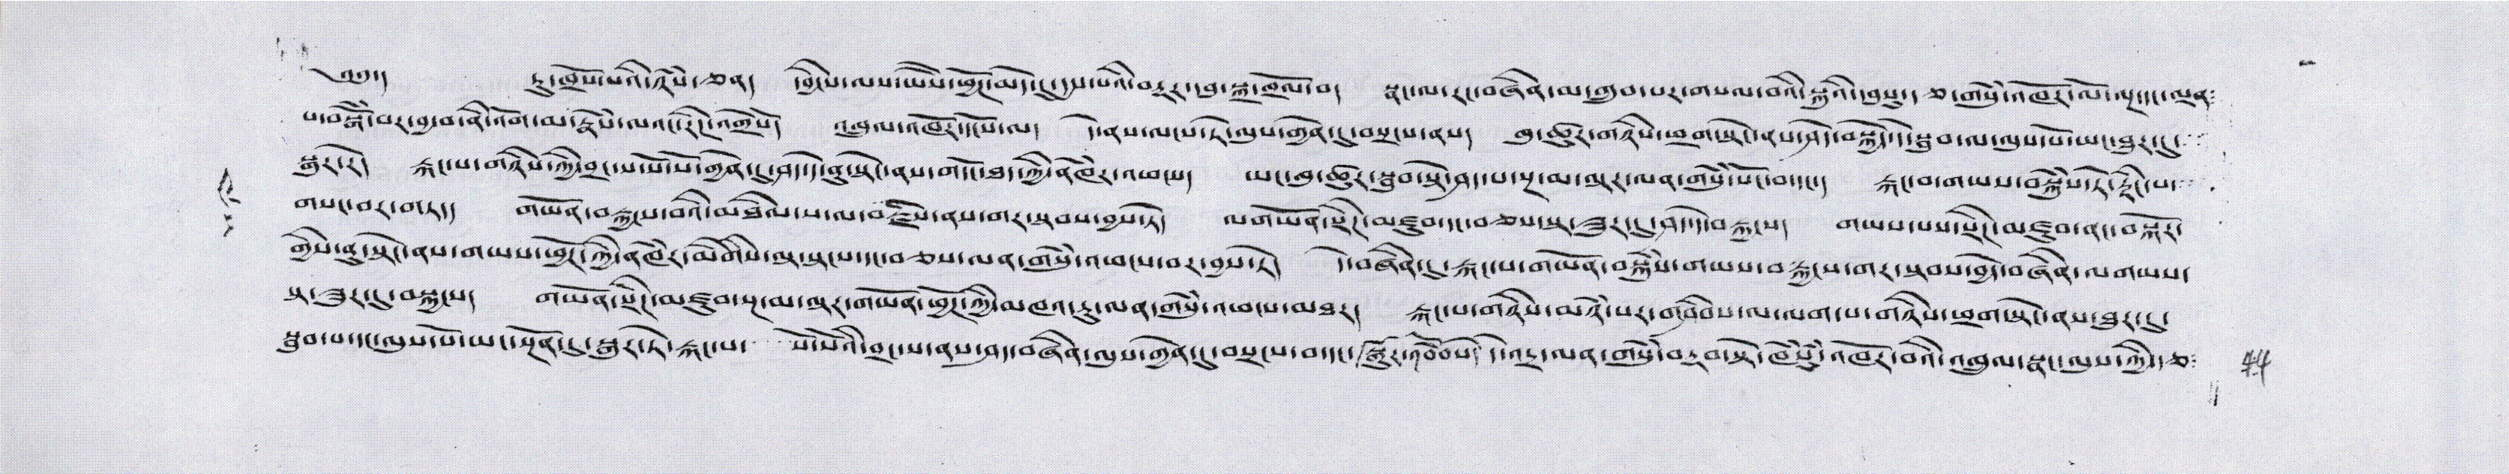ཁྲོས་པའི་ཉམས་ཅན། དབྱིངས་ལས་ཡེ་ཤེས་ཕྱོགས་མེད་དུ་རྒྱས་པའི་བརྡར་དབུ་སྐྲ་ཁྲོལ་བ། སྣང་ལ་རང་བཞིན་མ་གྲུབ་པ་གསལ་བའི་སྐུ་ཡི་དབུས་སུ་རྩ་གསུམ་འཁོར་ལོ་ལྔ་དང་ལྡན་
པ་བསྒོམ་པར་བྱ་བ་ནི་འོག་མ་རྣམས་ལའང་རིགས་འགྲེས་སོ། འཁྲུལ་འཁོར་དངོས་ལ། དེ་ནས་ལངས་ཏེ་ལུས་གྱེན་དུ་བསྲངས་ནས་ཁུ་ཚུར་གཉིས་ཕྲག་སྟེང་ནས་ཤད་བསྐྱེད་དེ་སྦུབས་ལ་པུས་མོ་ཡང་ཐུར་དུ་
སྒུར་རོ། རྐང་པ་གཉིས་ཀྱི་བྲང་ས་སོ་སོ་གྱེན་དུ་ཤད་དེ་ནུ་སྟེང་ནས་གདོང་ཐད་ཀྱི་ནམ་མཁར་འཕངས། ཡང་ཁུ་ཚུར་སྦུབ་སྟེ་ཤད་པ་སྔ་མ་ལྟར་ལན་གསུམ་སོང་བ་དང་། རྐང་པ་གཡས་བསྐུམ་སྟེ་རྟིང་པ་
གསང་བར་གཏད། གཡོན་བརྐྱངས་པའི་མཐིལ་ས་ལ་བརྫིས་ནས་གར་སྟབས་བྱས་ཏེ། ལག་གཡོན་སྡིགས་མཛུབ་དང་བཅས་སྟ་ཟུར་དུ་ཤད་དེ་བརྐྱངས། གཡས་པས་སྡིག་མཛུབས་ནང་བསྐོར་
གྱིས་ནུ་སྟེང་ནས་གཡས་ཕྱོགས་ཀྱི་ནམ་མཁར་མིག་གིས་ལྟ་སྟངས་དང་བཅས་ལན་གསུམ་འཕང་བར་བྱས་ཏེ། དེ་བཞིན་རྐང་པ་གཡོན་བསྐུམས་གཡས་བརྐྱངས་གར་སྟབས་བྱེད་བཞིན་ལག་གཡས་
སྟ་ཟུར་དུ་བརྐྱངས། གཡོན་སྡིག་མཛུབ་སྔ་མ་ལྟར་གཡོན་ཕྱོགས་ཀྱི་མཁའ་རུ་ལན་གསུམ་འཕངས་མཐར། རྐང་པ་གཉིས་མཉམ་པར་གཤིབས་ལ་ལག་པ་གཉིས་ཕྲག་སྟེང་ནས་ཐུར་དུ་
སྦུབ་པ་དང་ལུས་པོ་ཡང་སྔོན་དུ་སྒུར་ཏེ་རྐང་པ་སོ་སོའི་བྲང་བ་ནས་ཤད་བཞིན་དུ་ལུས་གྱེན་དུ་བསྲངས་པ་དང་༼རྒུར་འབེབས༽དེ་འདྲ་ལན་གསུམ་བརྡབ་སྟེ་ཁམས་གསུམ་འཁོར་བའི་འཁྲུལ་སྣང་ལུས་ཀྱི་རྩ་